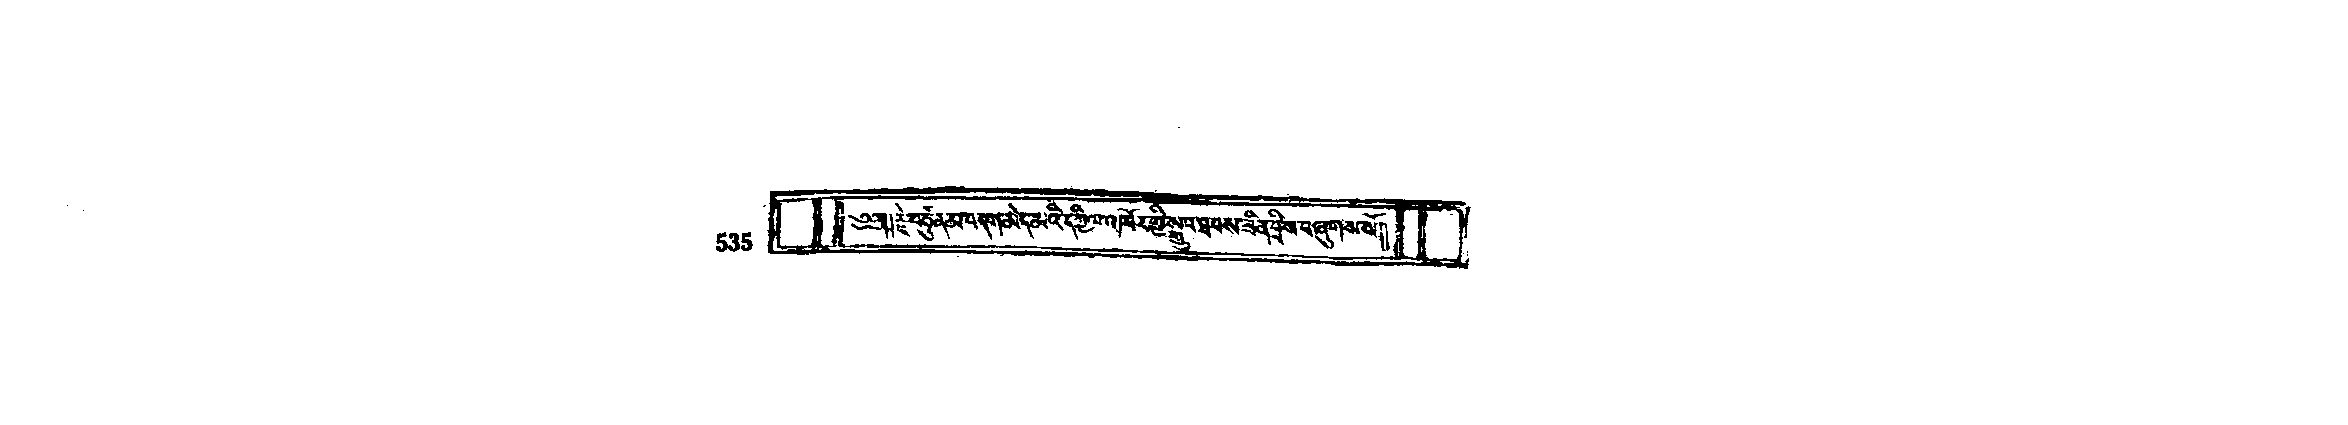༄༅། །རྗེ་བཙུན་མ་བདག་མེད་མའི་དཀྱིལ་འཁོར་གྱི་སྒྲུབ་ཐབས་ཟིན་བྲིས་བཞུགས་སོ།།